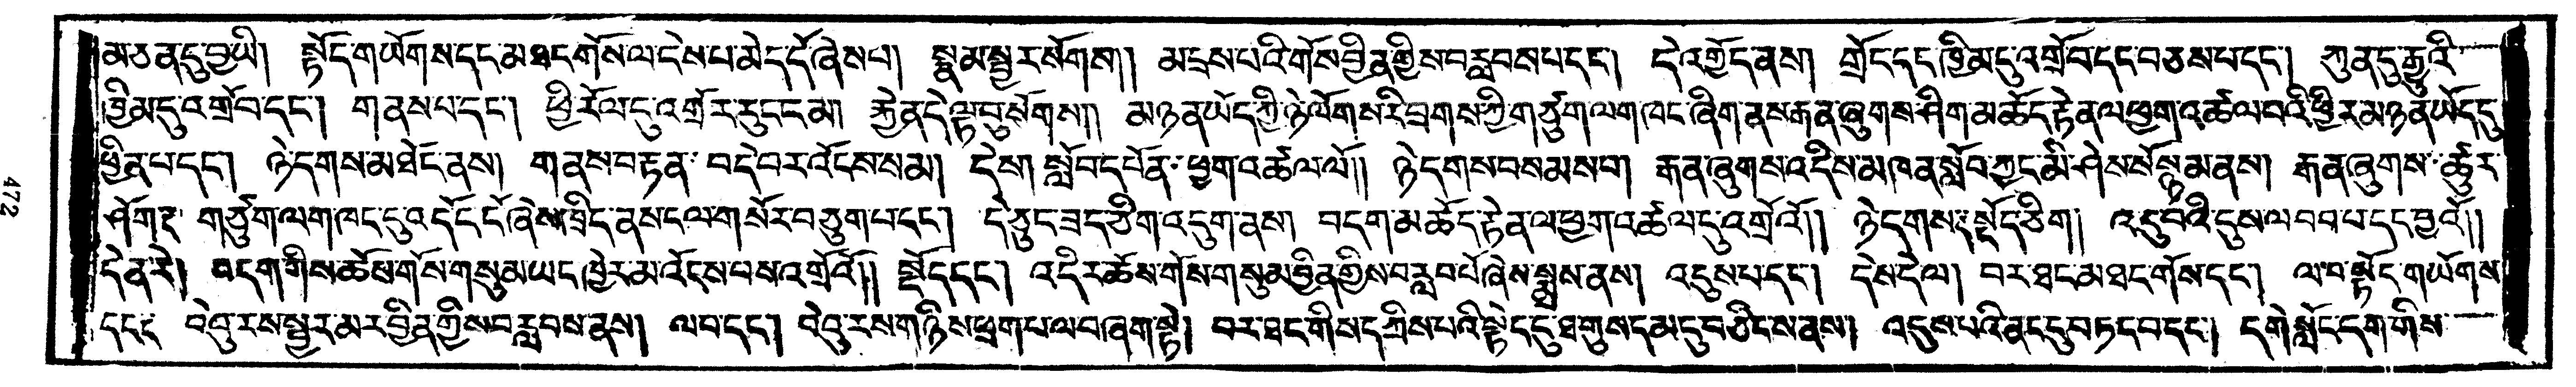མ་ཅན་དུ་བྱ་ཡི། སྟོད་གཡོགས་དང་མཐང་གོས་ལ་ངེས་པ་མེད་དོ་ཞེས་པ། སྣམ་སྦྱར་སོགས།། མ་དྲས་པའི་གོས་བྱིན་གྱིས་བརླབས་པ་དང་། དེ་འགྱོད་ནས། གྲོང་དང་ཁྱིམ་དུ་འགྲོ་བ་དང་བཅས་པ་དང་། ཀུན་དུ་རྒྱུའི་
ཁྱིམ་དུ་འགྲོ་བ་དང་། གནས་པ་དང་། ཕྱི་རོལ་དུ་འགྲོར་རུང་ངམ། རྐྱེན་དེ་ལྟ་བུ་སོགས།། མཉན་ཡོད་ཀྱི་ཉེ་ལོགས་རི་བྲགས་ཀྱི་གཙུག་ལག་ཁང་ཞིག་ནས་རྒན་ཞུགས་ཤིག་མཆོད་རྟེན་ལ་ཕྱག་འཚལ་བའི་ཕྱིར་མཉན་ཡོད་དུ་
ཕྱིན་པ་དང་། ཉེ་དགས་མཐོང་ནས། གནས་བརྟན་བདེ་བར་འོངས་སམ། དེས། སློབ་དཔོན་ཕྱག་འཚལ་ལོ།། ཉེ་དགས་བསམས་པ། རྒན་ཞུགས་འདིས་མཁན་སློབ་ཀྱང་མི་ཤེས་སོ་སྙམ་ནས། རྒན་ཞུགས་ཚུར་
ཤོག༑ གཙུག་ལག་ཁང་དུ་འདོང་ངོ་ཞེས་ཁྲིད་ནས་ངལ་གསོར་བཅུག་པ་དང་། དེ་ཅུང་ཟད་ཅིག་འདུག་ནས། བདག་མཆོད་རྟེན་ལ་ཕྱག་འཚལ་དུ་འགྲོའོ།། ཉེ་དགས༑ སྡོད་ཅིག། འདུ་བའི་དུས་ལ་བབ་པ་དང་བྱའོ།།
དེ་ན་རེ། བདག་གིས་ཆོས་གོས་གསུམ་ཡང་ཁྱེར་མ་འོངས་པས་འགྲོའོ།། སྡོད་དང་། འདིར་ཆོས་གོས་གསུམ་བྱིན་གྱིས་བརླབ་པོ་ཞེས་སྨྲས་ནས། འདུས་པ་དང་། དེས་དེ་ལ། བར་ཐང་མཐང་གོས་དང་། ལ་བསྟོད་གཡོགས་
དང༑ བེའུ་རས་སྦྱར་མར་བྱིན་གྱིས་བརླབས་ནས། ལབ་དང་། བེའུ་རས་གཉིས་ཕྲག་པ་ལ་བཞག་སྟེ། བར་ཐང་གིས་དཀྲིས་པའི་སྟེང་དུ་ཐ་གུས་དམ་དུ་བཅིངས་ནས། འདུས་པའི་ནང་དུ་བཏང་བ་དང་། དགེ་སློང་དག་གིས་